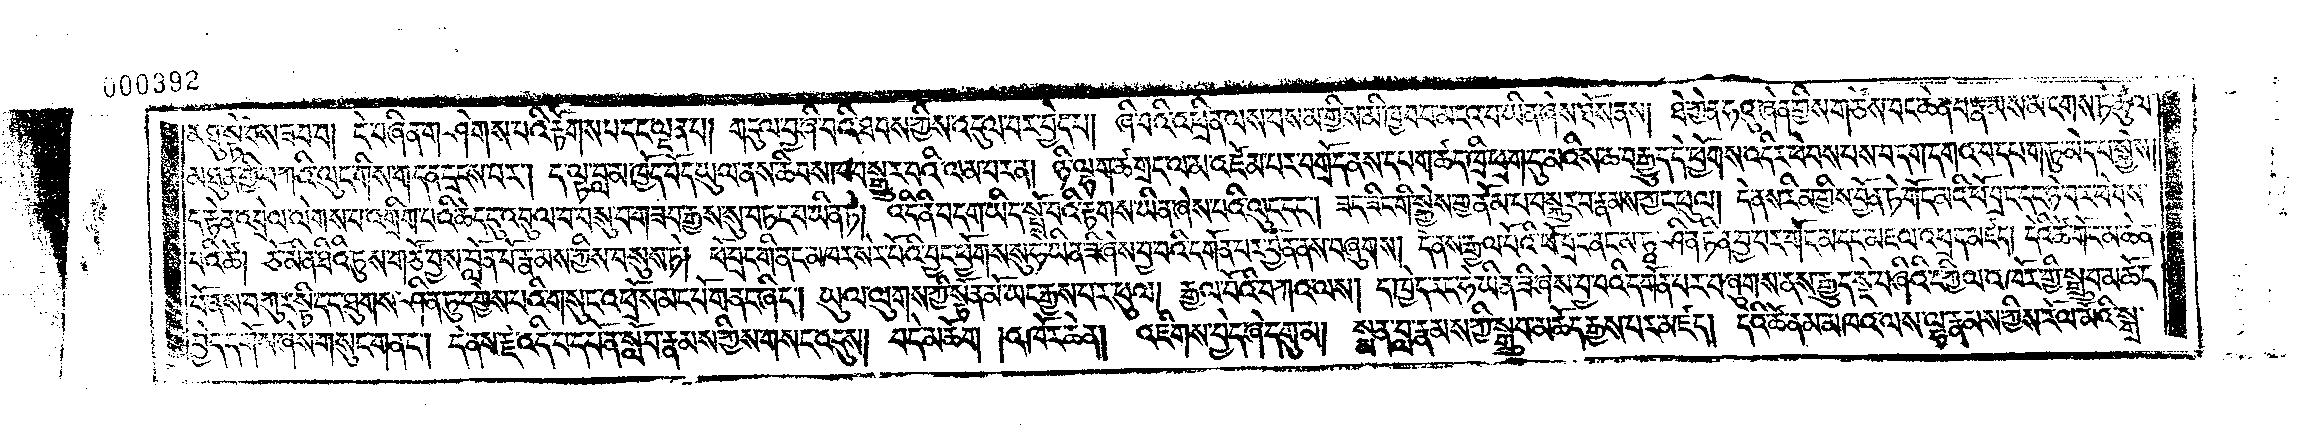མཐུ་སྟེ་བས་ཟབ་པ། དེ་བཞིན་གཤེགས་པའི་རྟོགས་པ་དང་ལྡན་པ། གདུལ་བྱ་ཞི་བའི་ཐབས་ཀྱིས་འདུལ་བར་བྱེད་པ། ཞི་བའི་འཕྲིན་ལས་བསམ་གྱིས་མི་ཁྱབ་པ་མངའ་བ་ཡིན་ཞེས་ཐོས་ནས། ཐེ་ཀྱེན་ཧའུ་ཞེན་གྱིས་གཙོས་བང་ཆེན་བ་རྣམས་མངགས་ཏེ་ཚུལ་
མཐུན་གྱི་བཀའི་ལུང་གིས་གདན་དྲངས་པར། ད་ལྟ་བླ་མ་ཁྱོད་བོད་ཡུལ་ནས་ཆིབས་ཁ་བསྒྱུར་བའི་ལམ་བར་ན། ཉི་ལྷག་ཚ་གྲང་ལ་མ་འཛེམ་པར་བགྲོད་ནས་དཔག་ཚད་ཁྲི་ཕྲག་དུ་མའི་ས་ཆ་བརྒྱུད་དེ་ཕྱོགས་འདིར་ཕེབས་པས་བདག་དགའ་བ་དཔག་ཏུ་མེད་པ་སྐྱེས།
ད་རྟེན་འབྲེལ་ལེགས་པ་འགྲིག་པའི་ཆེད་དུ་འབུལ་བ་བསུ་བ་གཟབ་རྒྱས་སུ་བཏང་བ་ཡིན་ཏེ། འདི་ནི་བདག་ཡིད་སྤྲོ་བའི་རྟགས་ཡིན་ཞེས་པའི་ལུང་དང་། ཟད་ཟིང་གི་སྐྱེས་གྱ་ནོམ་བ་བསྐུར་བ་རྣམས་ཀྱང་ཕུལ། དེ་ནས་རིམ་གྱིས་བྱོན་ཏེ་གོང་མའི་ཕོ་བྲང་དང་ཉེ་བར་ཕེབས་
པའི་ཚེ། ཅོ་མིན་ཐིའི་ཏུས་གཙོ་བྱས་བློན་པོ་རྣམས་ཀྱིས་བསུས་ཏེ། ཕོ་བྲང་གི་ནང་མཁར་སེར་པོའི་བྱང་ཕྱོགས་སུ་ཧེ་ཡིན་ཟི་ཞེས་བྱ་བའི་དགོན་པར་བྱོན་ནས་བཞུགས། དེ་ནས་རྒྱལ་བོའི་ཕོ་བྲང་ནང་མ་ཏཱ་ཤིན་ཏིན་བྱ་བར་གོང་མ་དང་མཇལ་འཕྲད་མཛད། དེའི་ཚོ་གོང་མ་ཆེན་
པོ་ནས་བཀུར་སྟི་དང་ཐུགས་ཤིན་ཏུ་དགྱེས་པའི་གསུང་འཕྲོས་མང་པོ་གནང་ཞིང་། ཡུལ་ལུགས་ཀྱི་སྟོན་མོ་ཡང་རྒྱས་པར་ཕུལ། རྒྱལ་པོའི་བཀའ་ལས། ད་ཁྱེད་རང་ཧེ་ཡིན་ཊི་ཞེས་བྱ་བའི་དགོན་པར་བཞུགས་ནས་རྒྱུད་སྡེ་བཞིའི་དཀྱིལ་འཁོར་གྱི་སྒྲུབ་མཆོད་
བྱེད་དགོས་ཞེས་གསུང་གནང་། དེ་ནས་རྗེ་འདི་བ་དཔོན་སློབ་རྣམས་ཀྱིས་གསང་འདུས། བདེ་མཆོག །འཁོར་ཆེན། འཇིགས་བྱེད་ཞེ་དགུ་མ། སྨན་བླ་རྣམས་ཀྱི་སྒྲུབ་མཆོད་རྒྱས་པར་མཛད། དེའི་ཚེ་ནམ་མཁའ་ལས་ལྷ་རྣམས་ཀྱིས་རོལ་མོའི་སྒྲ་